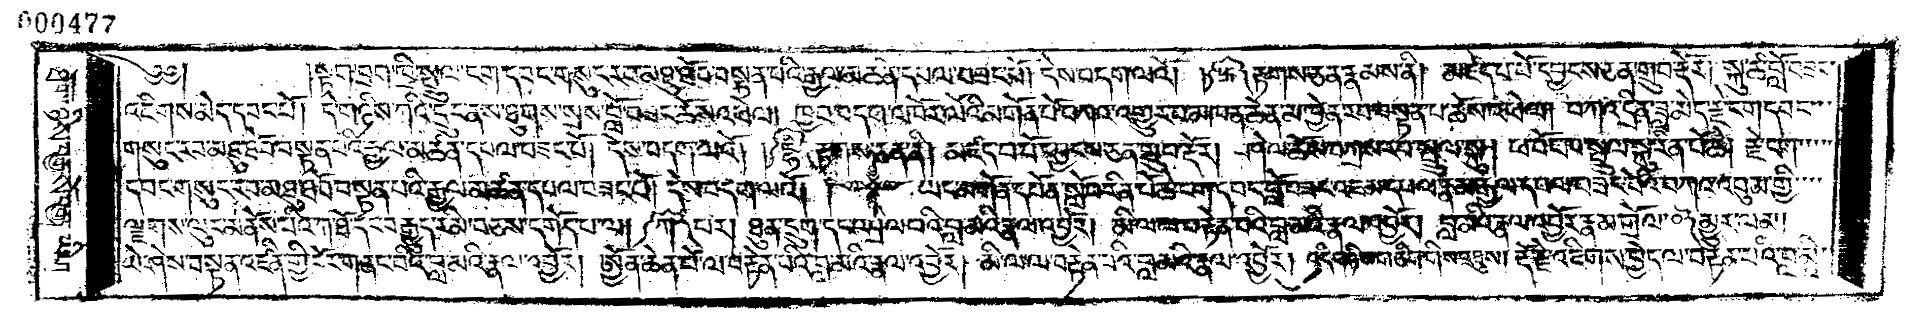༄༅། །སྟག་བྲག་ཁྲི་སྤྲུལ་ངག་དབང་གསུང་རབ་མཐུ་ཐོབ་བསྟན་པའི་རྒྱལ་མཚན་དཔལ་བཟང་པོ། དེས་བདག་ལའོ། །རྟགས་ཅན་རྣམས་ནི། མཛད་པ་པོ་དབྱངས་ཅན་གྲུབ་རྡོར། སྐུ་ཚ་བློ་བཟང་
འཇིགས་མེད་དབང་པོ། དེ་གཉིས་ཀའི་དྲུང་ནས་ཐུགས་སྲས་བློ་བཟང་ཆོས་འཕེལ། ཁྱབ་བདག་འཁོར་ལོའི་མངོན་པོ་བཀའ་འགྱུར་པ་མཁན་ཆེན་མཁྱེན་རབ་བསྟན་པ་ཆོས་འཕེལ། བཀའ་དྲིན་ཟླ་མེད་རྗེ་ངག་དབང་
གསུང་རབ་མཐུ་ཐོབ་བསྟན་པའི་གྱལ་མཚན་དཔལ་བཟང་པོ། དེས་བདག་ལའོ། །༼དྷི༽ རྟགས་ཅན་ནི། མཛད་པ་པོ་དབྱངས་ཅན་གྲུབ་རྡོར། ཤེལ་ཆོས་བཀྲས་རབ་སྤྲུལ་སྐུ། ཕ་བོང་ཁ་སྤྲུལ་སྐུ་རིན་པོ་ཆེ། རྗེ་ངག་
དབང་གསུང་རབ་མཐུ་ཐོབ་བསྟན་པའི་རྒྱལ་མཚན་དཔལ་བཟང་པོ། དེས་བདག་པའོ། །༆་ཡང་མགོན་སློབ་དཔོན་རིན་པོ་ཆེ་ངག་དབང་བློ་བཟང་འཇམ་དཔལ་རྣམ་རྒྱལ་དཔལ་བཟང་པོའི་བཀའ་འབུམ་གྱི་
ལྗགས་ལུང་མནོས་པའི་ཀ་ཐོ་དང་བརྒྱུད་རིམ་བཅས་དགོད་པ་ལ། ༼ཀ༽ པར། ཐུན་དྲུག་དང་འབྲལ་བའི་བླ་མའི་རྣལ་འབྱོར། མི་ལ་ལ་བརྟེན་པའི་བླ་མའི་རྣལ་འབྱོར། བླ་མའི་རྣལ་འབྱོར་རྣམ་གྲོལ་྾་མྱུར་ལམ།
ཡེ་ཤེས་བསྟན་འཛིན་གྱི་ངོར་གནང་བའི་བླ་མའི་རྣལ་འབྱོར། ཨཡོན་ཆེན་པོ་ལ་བརྟེན་པའི་བླ་མའི་རྣལ་འབྱོར། མི་ལ་ལ་བརྟེན་པའི་བླ་མའི་རྣལ་འབྱོར། འདི་གཉིས་གཅིག་གིས་འཐུགས། རྡོ་རྗེ་འཇིགས་བྱེད་ལ་བརྟེན་པའི་བླ་མའི་